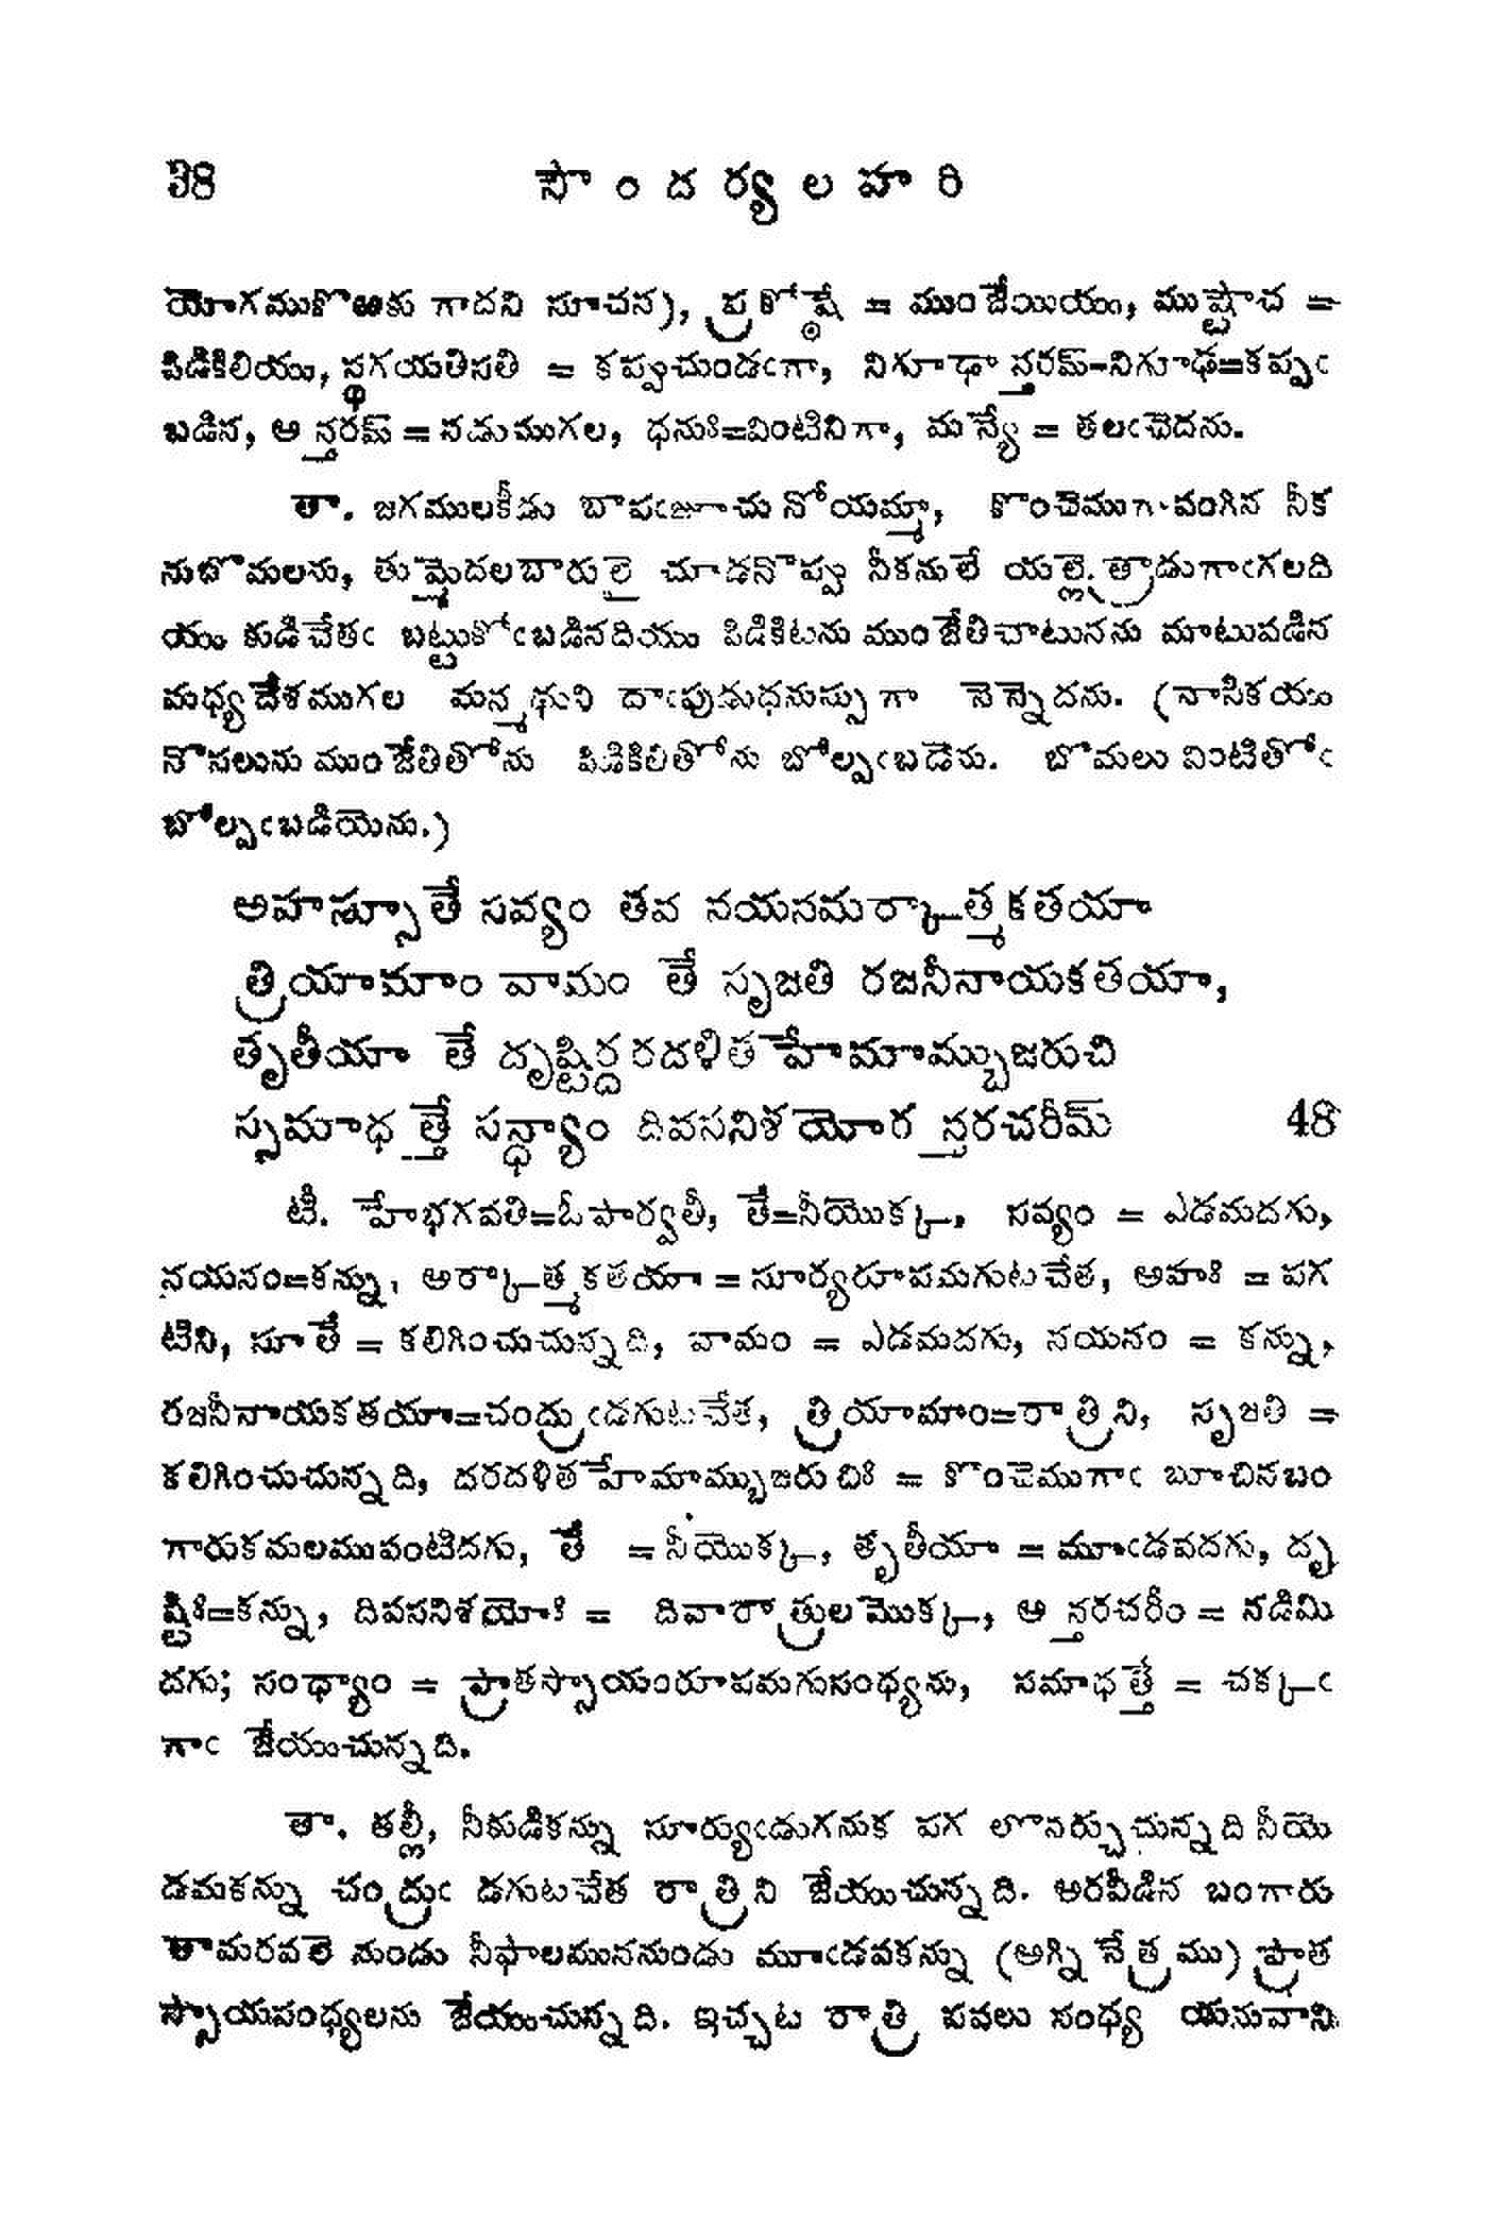యోగముకొఱకు గాదని సూచన), ప్రకోష్ఠే = ముంజేయియు, ముష్టౌచ = పిడికిలియు, స్థగయతిసతి = కప్పుచుండఁగా, నిగూఢాన్తరమ్-నిగూఢ = కప్పఁబడిన, అన్తరమ్ = నడుముగల, ధనుః = వింటినిగా, మన్యే = తలఁచెదను.

తా. జగములకీడు బాపఁజూచునోయమ్మా, కొంచెముగావంగిన నీకనుబొమలను, తుమ్మెదలబారులై చూడనొప్పు నీకనులే యల్లెత్రాడుగాఁగలదియు కుడిచేతఁ బట్టుకోఁబడినదియు పిడికిటను ముంజేతిచాటునను మాటువడిన మధ్యదేశముగల మన్మథుని దాఁపుడుధనుస్సుగా నెన్నెదను. (నాసికయు నొసలును ముంజేతితోను పిడికిలితోను బోల్పబడెను. బొమలు వింటితోఁ బోల్పఁబడియెను.)

అహస్సూతే సవ్యం తవ నయనమర్కాత్మకతయా
త్రియామాం వామం తే సృజతి రజనీనాయకతయా,
తృతీయా తే దృష్టిర్దరదళితహేమామ్బుజరుచి
స్సమాధత్తే సన్ధ్యాం దివసనిశయోరన్తరచరీమ్ 48
టీ. హేభగవతి = ఓపార్వతీ, తే = నీయొక్క, సవ్యం = ఎడమదగు, నయనం = కన్ను, అర్కాత్మకతయా = సూర్యరూపమగుటచేత, అహః = పగటిని, సూతే = కలిగించుచున్నది, వామం = ఎడమదగు, నయనం = కన్ను, రజనీనాయకతయా = చంద్రుఁడగుటచేత, త్రియామాం = రాత్రిని, సృజతి = కలిగించుచున్నది, దరదళితహేమామ్బుజరుచిః = కొంచెముగాఁ బూచినబంగారుకమలమువంటిదగు, తే = నీయొక్క, తృతీయా = మూఁడవదగు, దృష్టిః = కన్ను, దివసనిశయోః = దివారాత్రులమొక్క, అన్తరచరీం = నడిమిదగు; సంధ్యాం = ప్రాతస్సాయంరూపమగు సంధ్యను, సమాధత్తే = చక్కఁగాఁ జేయుచున్నది.

తా. తల్లీ, నీకుడికన్ను సూర్యుఁడుగనుక పగ లొనర్చుచున్నది నీయెడమకన్ను చంద్రుఁ డగుటచేత రాత్రిని జేయుచున్నది. అరవీడిన బంగారు తామరవలె నుండు నీఫాలముననుండు మూఁడవకన్ను (అగ్ని నేత్రము) ప్రాతస్సాయసంధ్యలను జేయుచున్నది. ఇచ్చట రాత్రి పవలు సంధ్య యనువాని